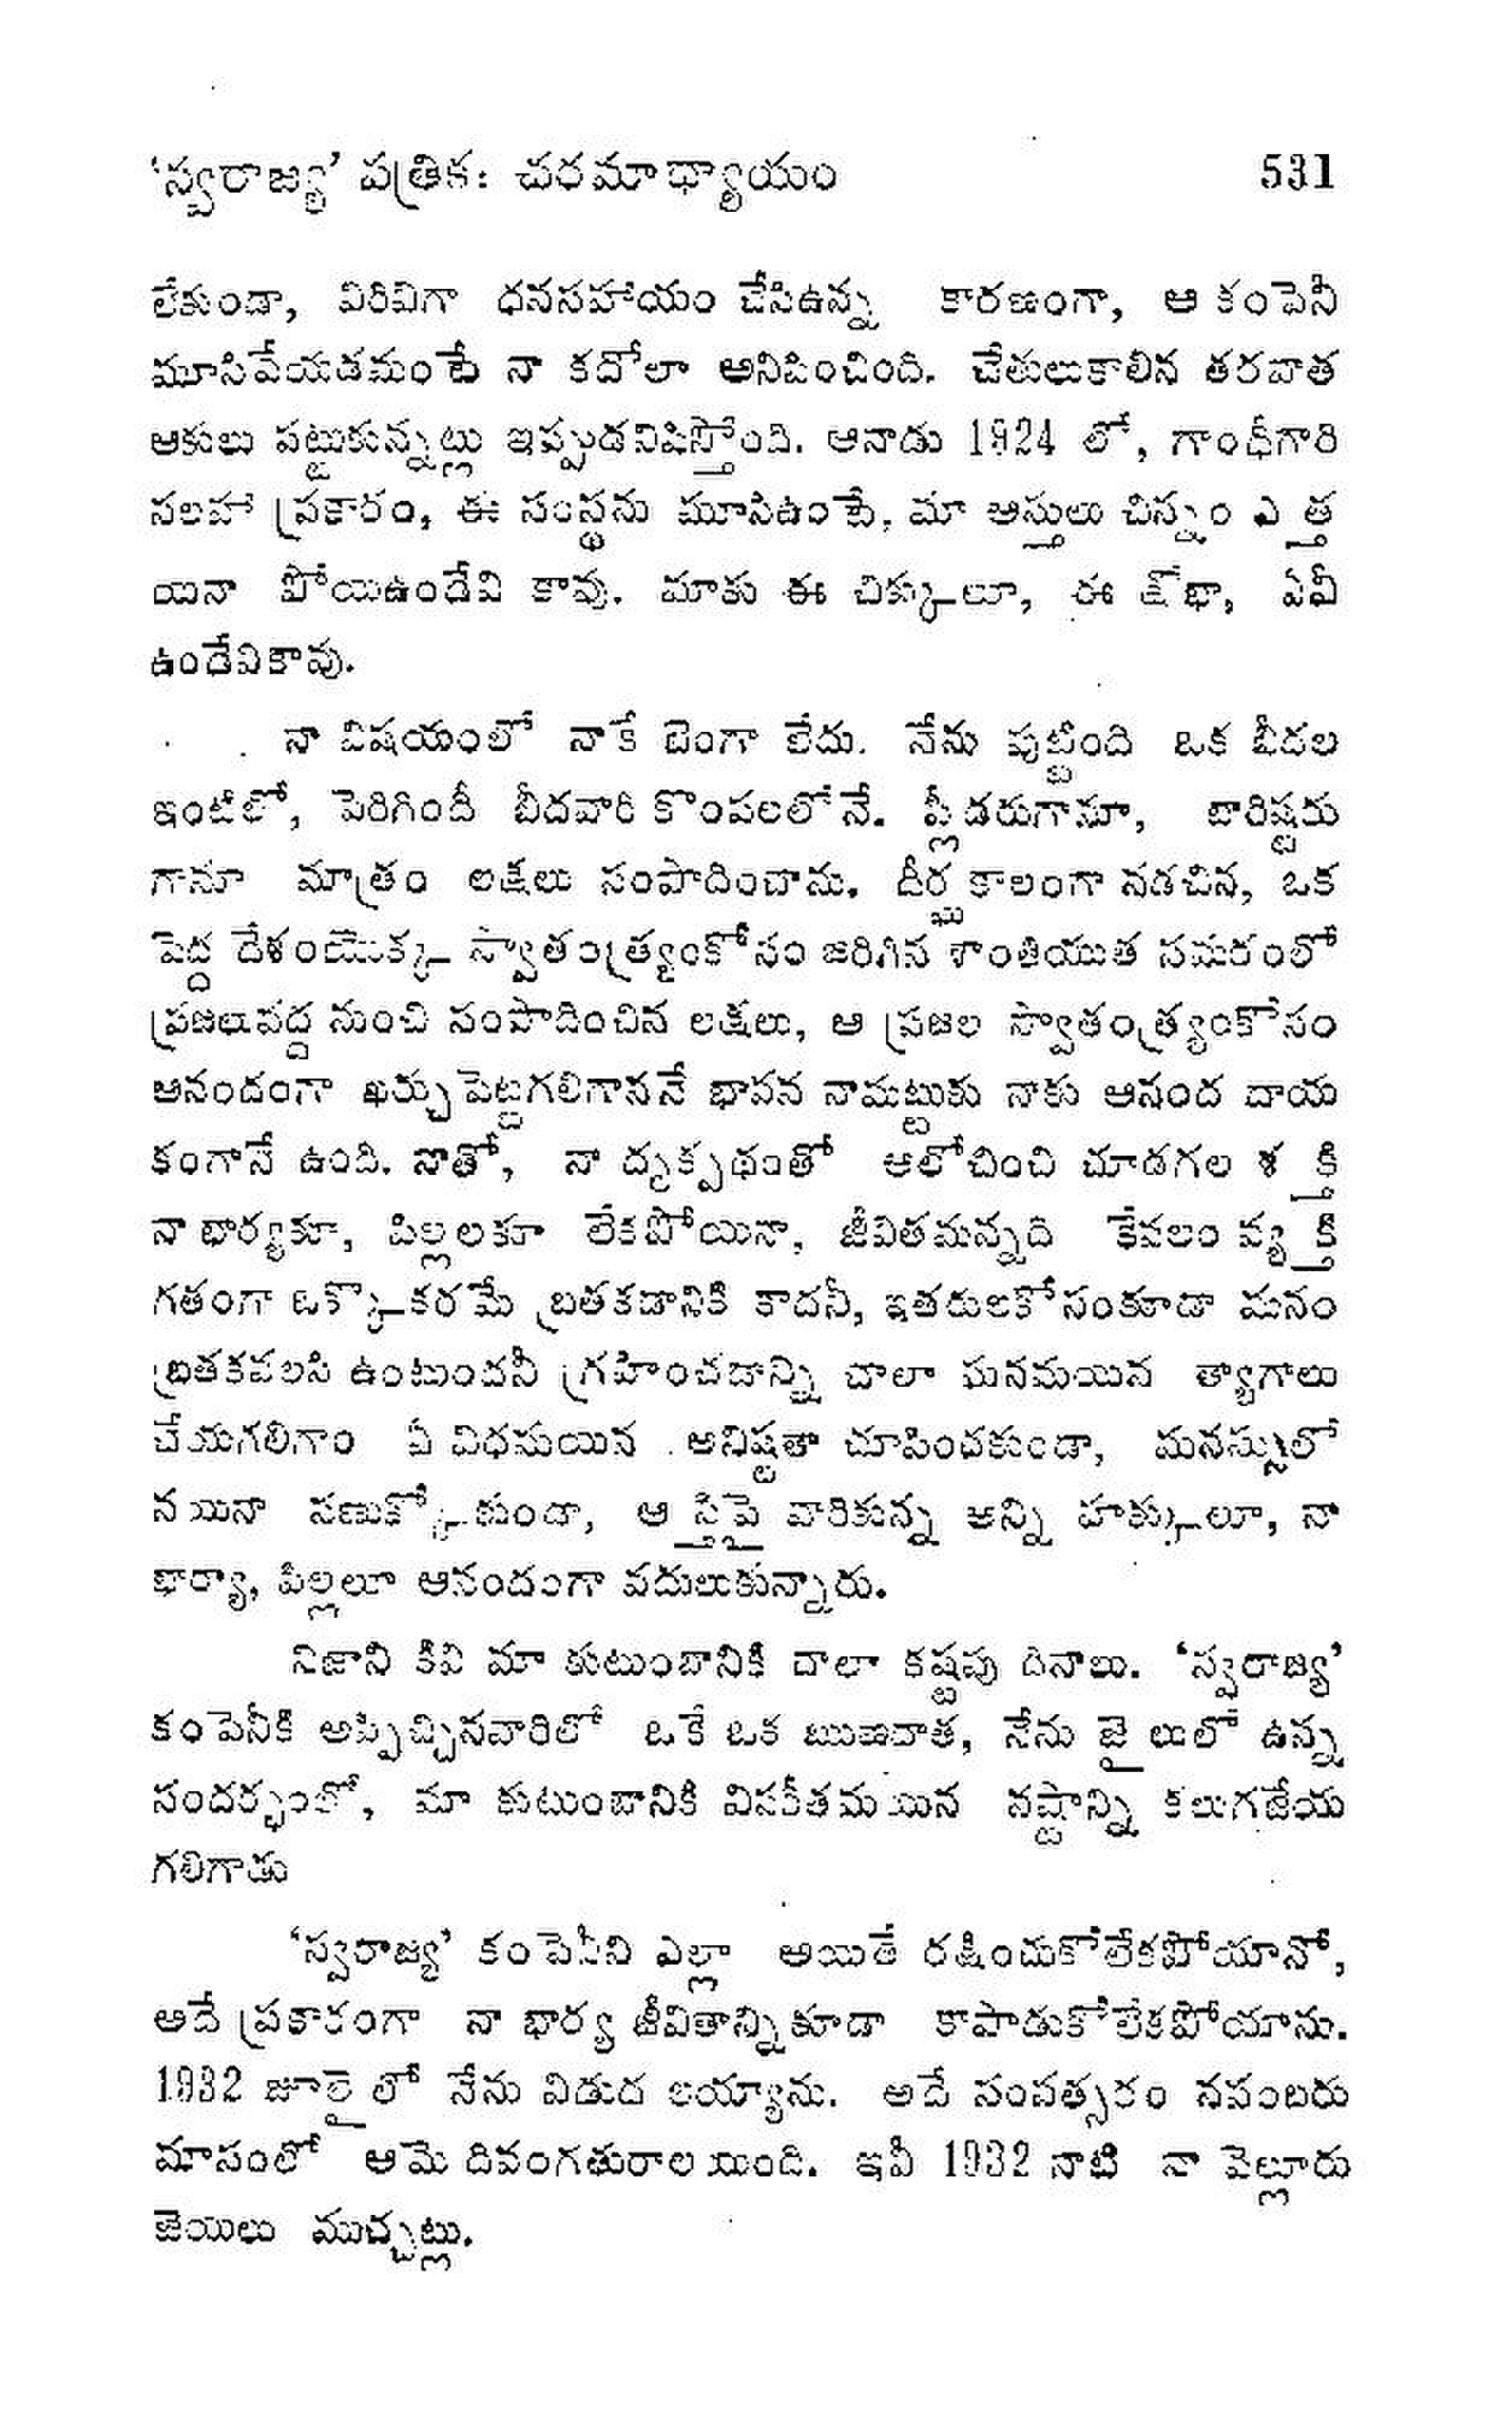లేకుండా, విరివిగా ధనసహాయం చేసిఉన్న కారణంగా, ఆ కంపెనీ మూసివేయడమంటే నా కదోలా అనిపించింది. చేతులు కాలిన తరవాత ఆకులు పట్టుకున్నట్లు ఇప్పుడనిపిస్తోంది. ఆనాడు 1924 లో, గాంధీగారి సలహా ప్రకారం, ఈ సంస్థను మూసి ఉంటే, మా ఆస్తులు చిన్నం ఎత్తయినా పోయి ఉండేవి కావు. మాకు ఈ చిక్కులూ, ఈ క్షోభా, ఏవీ ఉండేవికావు.

నా విషయంలో నాకే బెంగా లేదు. నేను పుట్టింది ఒక బీదల ఇంటిలో, పెరిగిందీ బీదవారి కొంపల లోనే. ప్లీడరుగానూ, బారిష్టరుగానూ మాత్రం లక్షలు సంపాదించాను. దీర్ఘ కాలంగా నడచిన, ఒక పెద్ద దేశంయొక్క స్వాతంత్ర్యంకోసం జరిగిన శాంతియుత సమరంలో ప్రజలు వద్ద నుంచి సంపాదించిన లక్షలు, ఆ ప్రజల స్వాతంత్ర్యంకోసం ఆనందంగా ఖర్చు పెట్ట గలిగాననే భావన నామట్టుకు నాకు ఆనంద దాయకంగానే ఉంది. నాతో, నా దృక్పథంతో ఆలోచించి చూడగల శక్తి నా భార్యకూ, పిల్లలకు లేకపోయినా, జీవితమన్నది కేవలం వ్యక్తిగతంగా ఒక్కొకరమే బ్రతకడానికి కాదనీ, ఇతరుల కోసంకూడా మనం బ్రతకవలసి ఉంటుందనీ గ్రహించడాన్ని చాలా ఘనమయిన త్యాగాలు చేయగలిగాం. ఏ విధమయిన అనిష్టతా చూపించకుండా, మనస్సులో నయినా సణుక్కోకుండా, ఆస్తిపై వారికున్న అన్ని హక్కులూ, నా భార్యా, పిల్లలూ ఆనందంగా వదులుకున్నారు.

నిజాని కివి మా కుటుంబానికి చాలా కష్టపు దినాలు. 'స్వరాజ్య' కంపెనీకి అప్పిచ్చినవారిలో ఒకే ఒక ఋణదాత, నేను జైలులో ఉన్న సందర్భంలో, మా కుటుంబానికి విపరీతమయిన నష్టాన్ని కలుగజేయగలిగాడు.

'స్వరాజ్య' కంపెనీని ఎల్లా అయితే రక్షించు కోలేకపోయానో, అదే ప్రకారంగా నా భార్య జీవితాన్నికూడా కాపాడుకోలేకపోయాను. 1932 జూలైలో నేను విడుద లయ్యాను. అదే సంవత్సరం నవంబరు మాసంలో ఆమె దివంగతురాలయింది. ఇవీ 1932 నాటి నా వెల్లూరు జెయిలు ముచ్చట్లు.